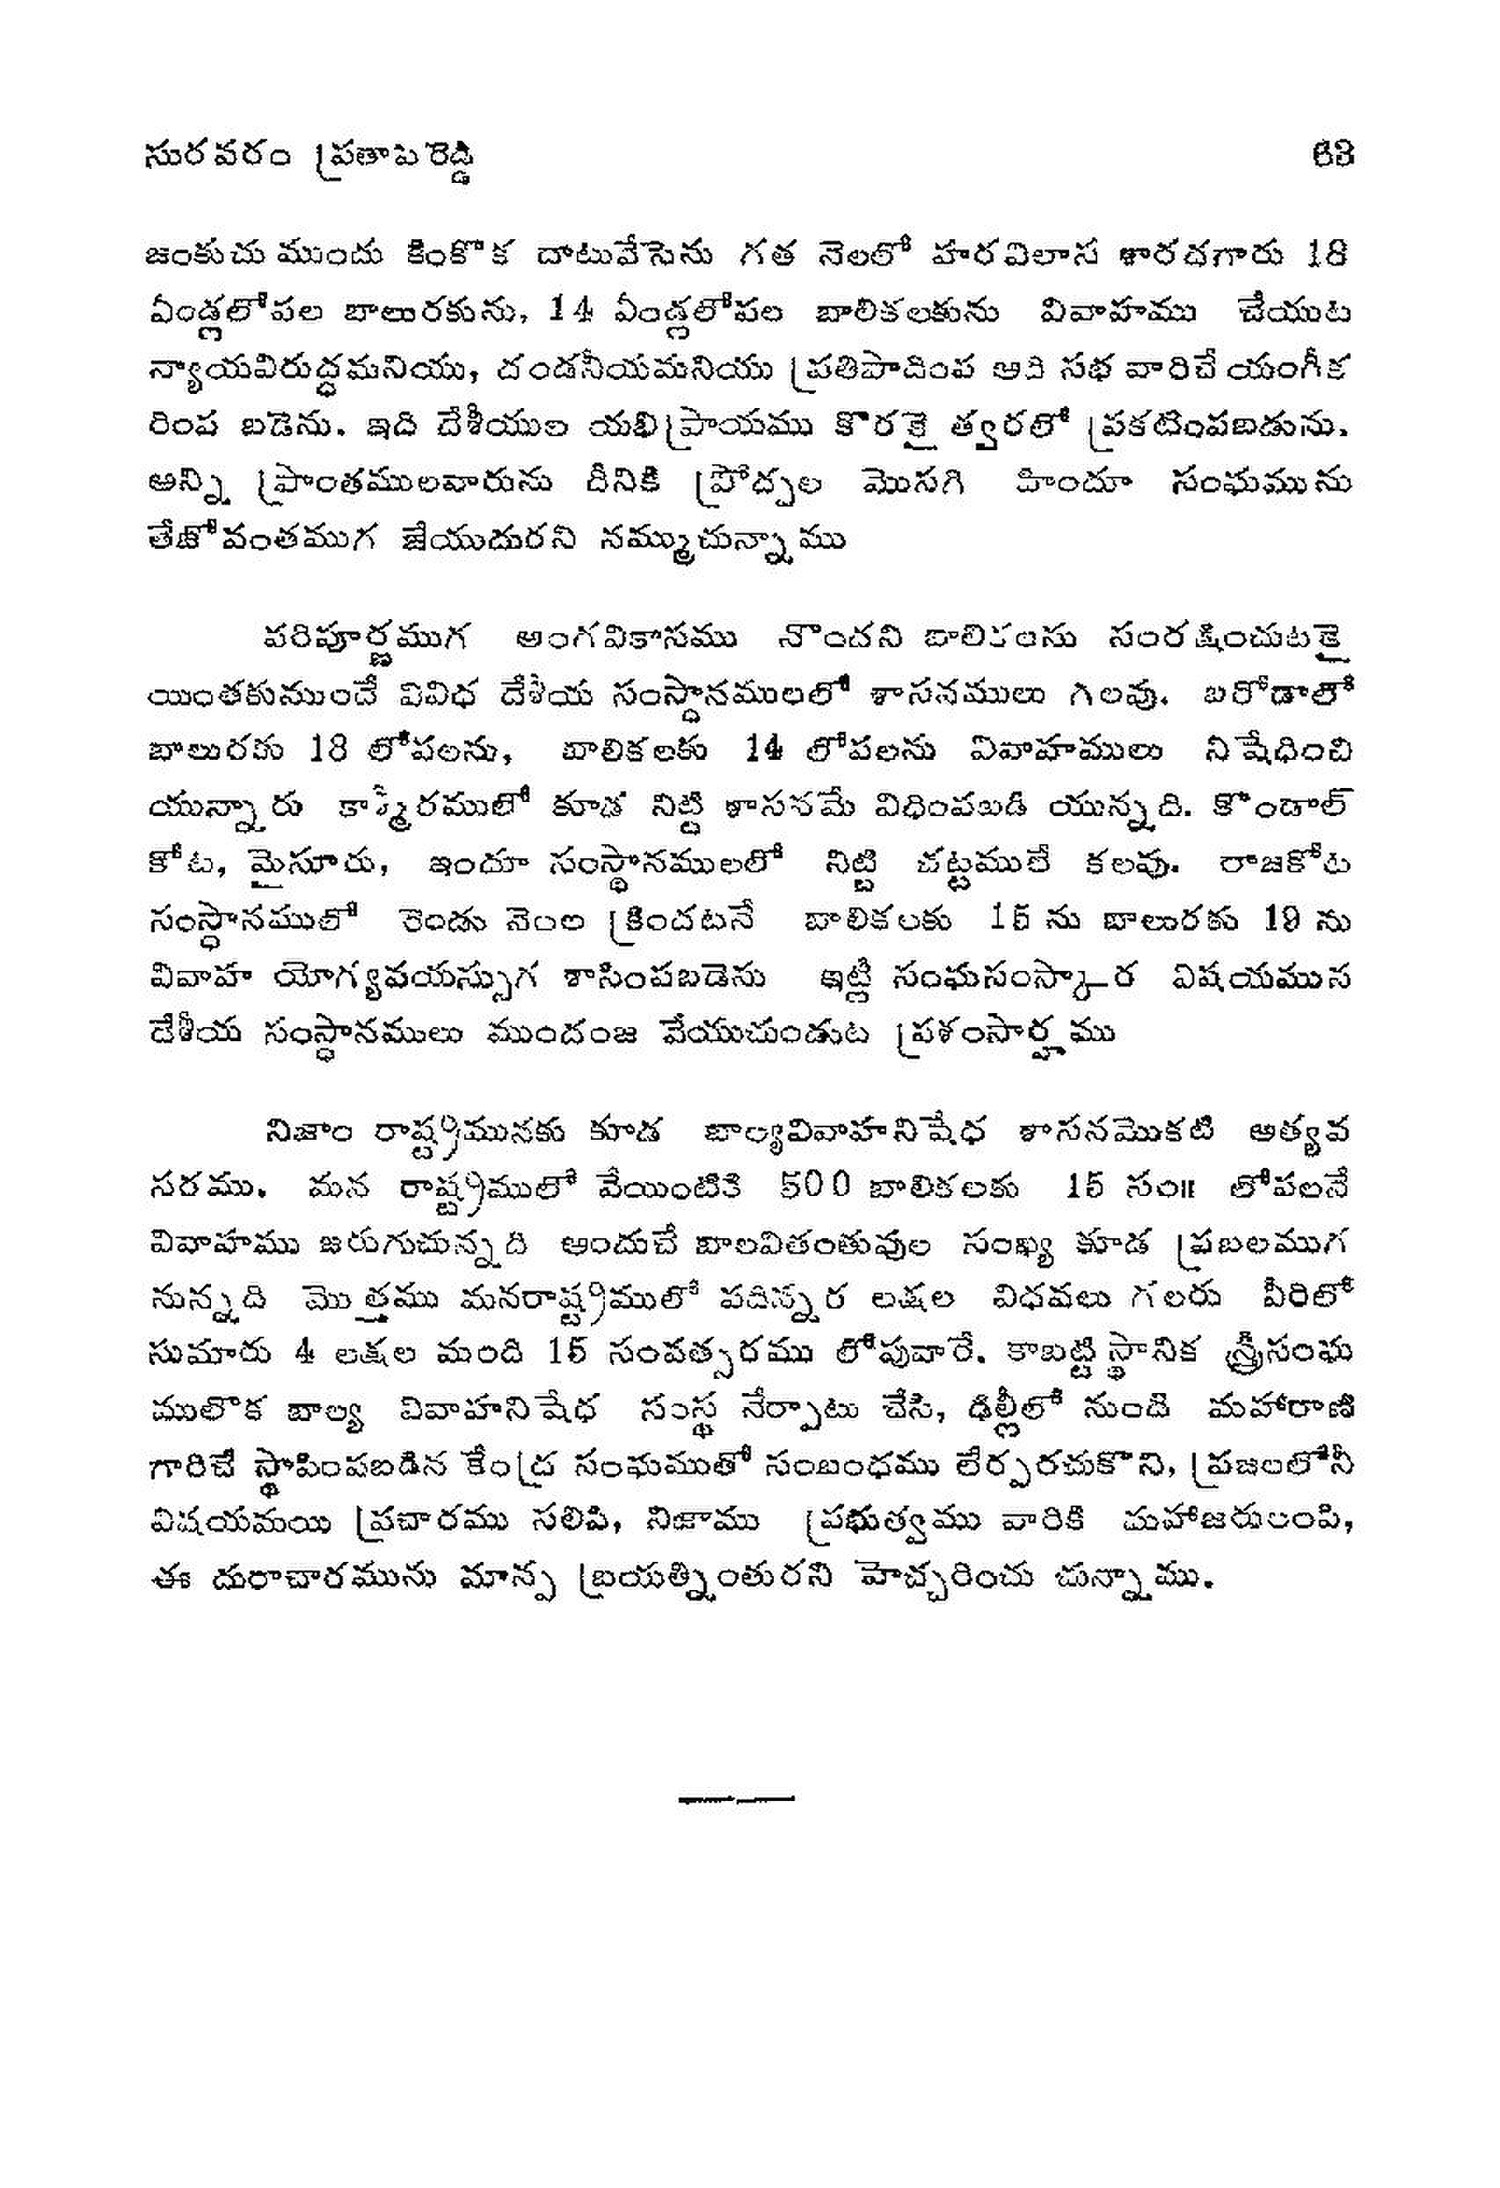జంకుచు ముందు కింకొక దాటువేసెను గత నెలలో హరవిలాస శారదగారు 18 ఏండ్లలోపల బాలురకును, 14 ఏండ్లలోపల బాలికలకును వివాహము చేయుట న్యాయవిరుద్ధమనియు, దండనీయమనియు ప్రతిపాదింప అది సభ వారిచే యంగీకరింప బడెను. ఇది దేశీయుల యభిప్రాయము కొరకై త్వరలో ప్రకటింపబడును. అన్ని ప్రాంతములవారును దీనికి ప్రోద్బల మొసగి హిందూ సంఘమును తేజోవంతముగ జేయుదురని నమ్ముచున్నాము

పరిపూర్ణముగ అంగవికాసము నొందని బాలికలను సంరక్షించుటకై యింతకుముందే వివిధ దేశీయ సంస్థానములలో శాసనములు గలవు. బరోడాలో బాలురకు 18 లోపలను, బాలికలకు 14 లోపలను వివాహములు నిషేధించి యున్నారు కాశ్మీరములో కూడ నిట్టి శాసనమే విధింపబడి యున్నది. కొండాల్ కోట, మైసూరు, ఇందూ సంస్థానములలో నిట్టి చట్టములే కలవు. రాజకోట సంస్థానములో రెండు నెలల క్రిందటనే బాలికలకు 15 ను బాలురకు 19 ను వివాహ యోగ్యవయస్సుగ శాసింపబడెను ఇట్లీ సంఘసంస్కార విషయమున దేశీయ సంస్థానములు ముందంజ వేయుచుండుట ప్రశంసార్హము

నిజాం రాష్ట్రమునకు కూడ బాల్యవివాహనిషేధ శాసనమొకటి అత్యవసరము, మన రాష్ట్రములో వేయింటికి 500 బాలికలకు 15 సం॥ లోపలనే వివాహము జరుగుచున్నది అందుచే బాలవితంతువుల సంఖ్య కూడ ప్రబలముగ
నున్నది మొత్తము మనరాష్ట్రములో పదిన్నర లక్షల విధవలు గలరు వీరిలో సుమారు 4 లక్షల మంది 15 సంవత్సరము లోపువారే. కాబట్టి స్థానిక స్త్రీసంఘములొక బాల్య వివాహనిషేధ సంస్థ నేర్పాటు చేసి, ఢిల్లీలో నుండి మహారాణిగారిచే స్థాపింపబడిన కేంద్ర సంఘముతో సంబంధము లేర్పరచుకొని, ప్రజలలోనీ విషయమయి ప్రచారము సలిపి, నిజాము ప్రభుత్వము వారికి మహాజరులంపి, ఈ దురాచారమును మాన్ప బ్రయత్నింతురని హెచ్చరించు చున్నాము.